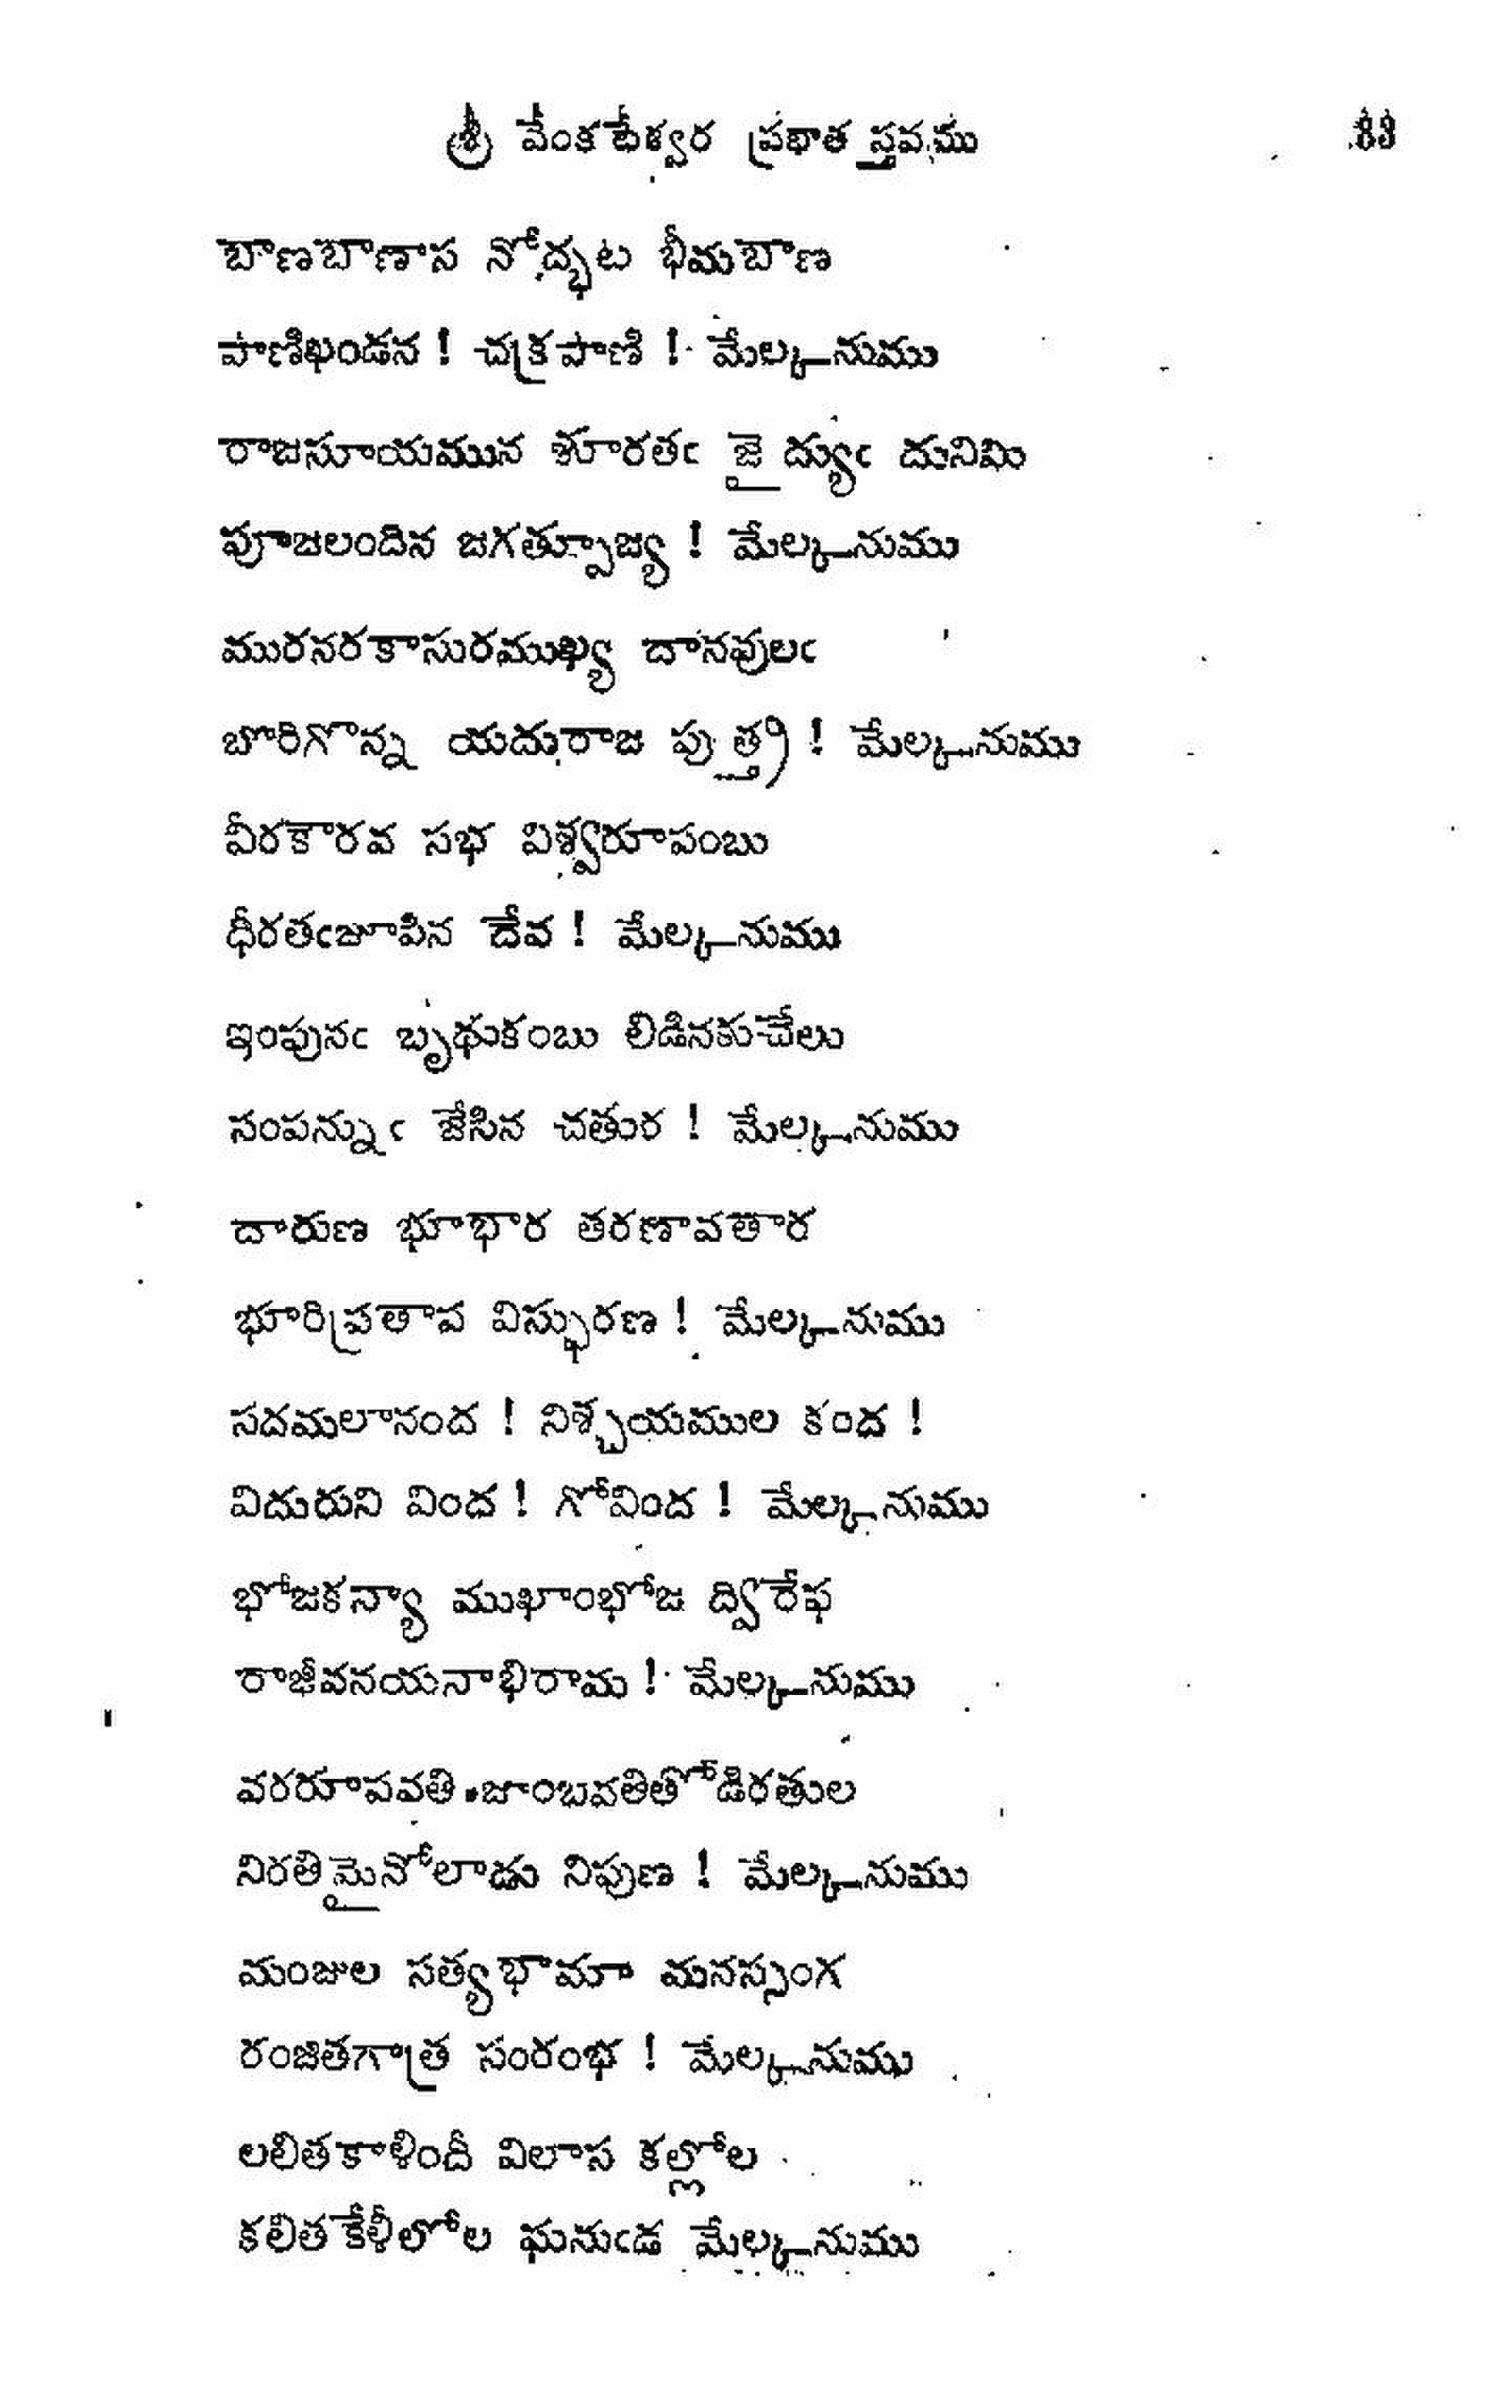బాణబాణాస నోద్భట భీమ బాణ 
పాణిఖండన ! చక్రపాణీ ! మేల్కనుము 

రాజసూయమున శూరతం జైద్యుం దునిమి 
పూజలందిన జగత్పూజ్య ! మేల్కనుము 

మురనరకాసురముఖ్య దానవులఁ 
బొరిగొన్న యదురాజ పుత్ర ! మేల్కనుము 

వీర కౌరవ సభ విశ్వరూపంబు 
ధీరతఁజూపిన దేవ ! మేల్కనుము 

ఇంపునఁ బృథుకంబు లిడినకుచేలు 
సంపన్నుఁ జేసిన చతుర ! మేల్కనుము 

దారుణ భూభార తరణావతార 
భూరిప్రతాప విస్ఫురణ ! మేల్కనుము 

సదమలానంద ! నిశ్చయముల కంద! 
విదురుని వింద ! గోవింద ! మేల్కనుము 

భోజకన్యా ముఖాంభోజ ద్వి రేఫ 
రాజీవనయనాభిరామ ! మేల్కనుము 

వరరూపవతి జాంబవతితో డిరతుల 
నిరతి మైనోలాడు నిపుణ ! మేల్కనుము 

మంజుల సత్యభామా మనస్సంగ 
రంజితగాత్ర సంరంభ ! మేల్కనుము 

లలిత కాళిందీ విలాస కల్లోల 
కలిత కేళీలోల ఘనుఁడ మేల్కనుము .